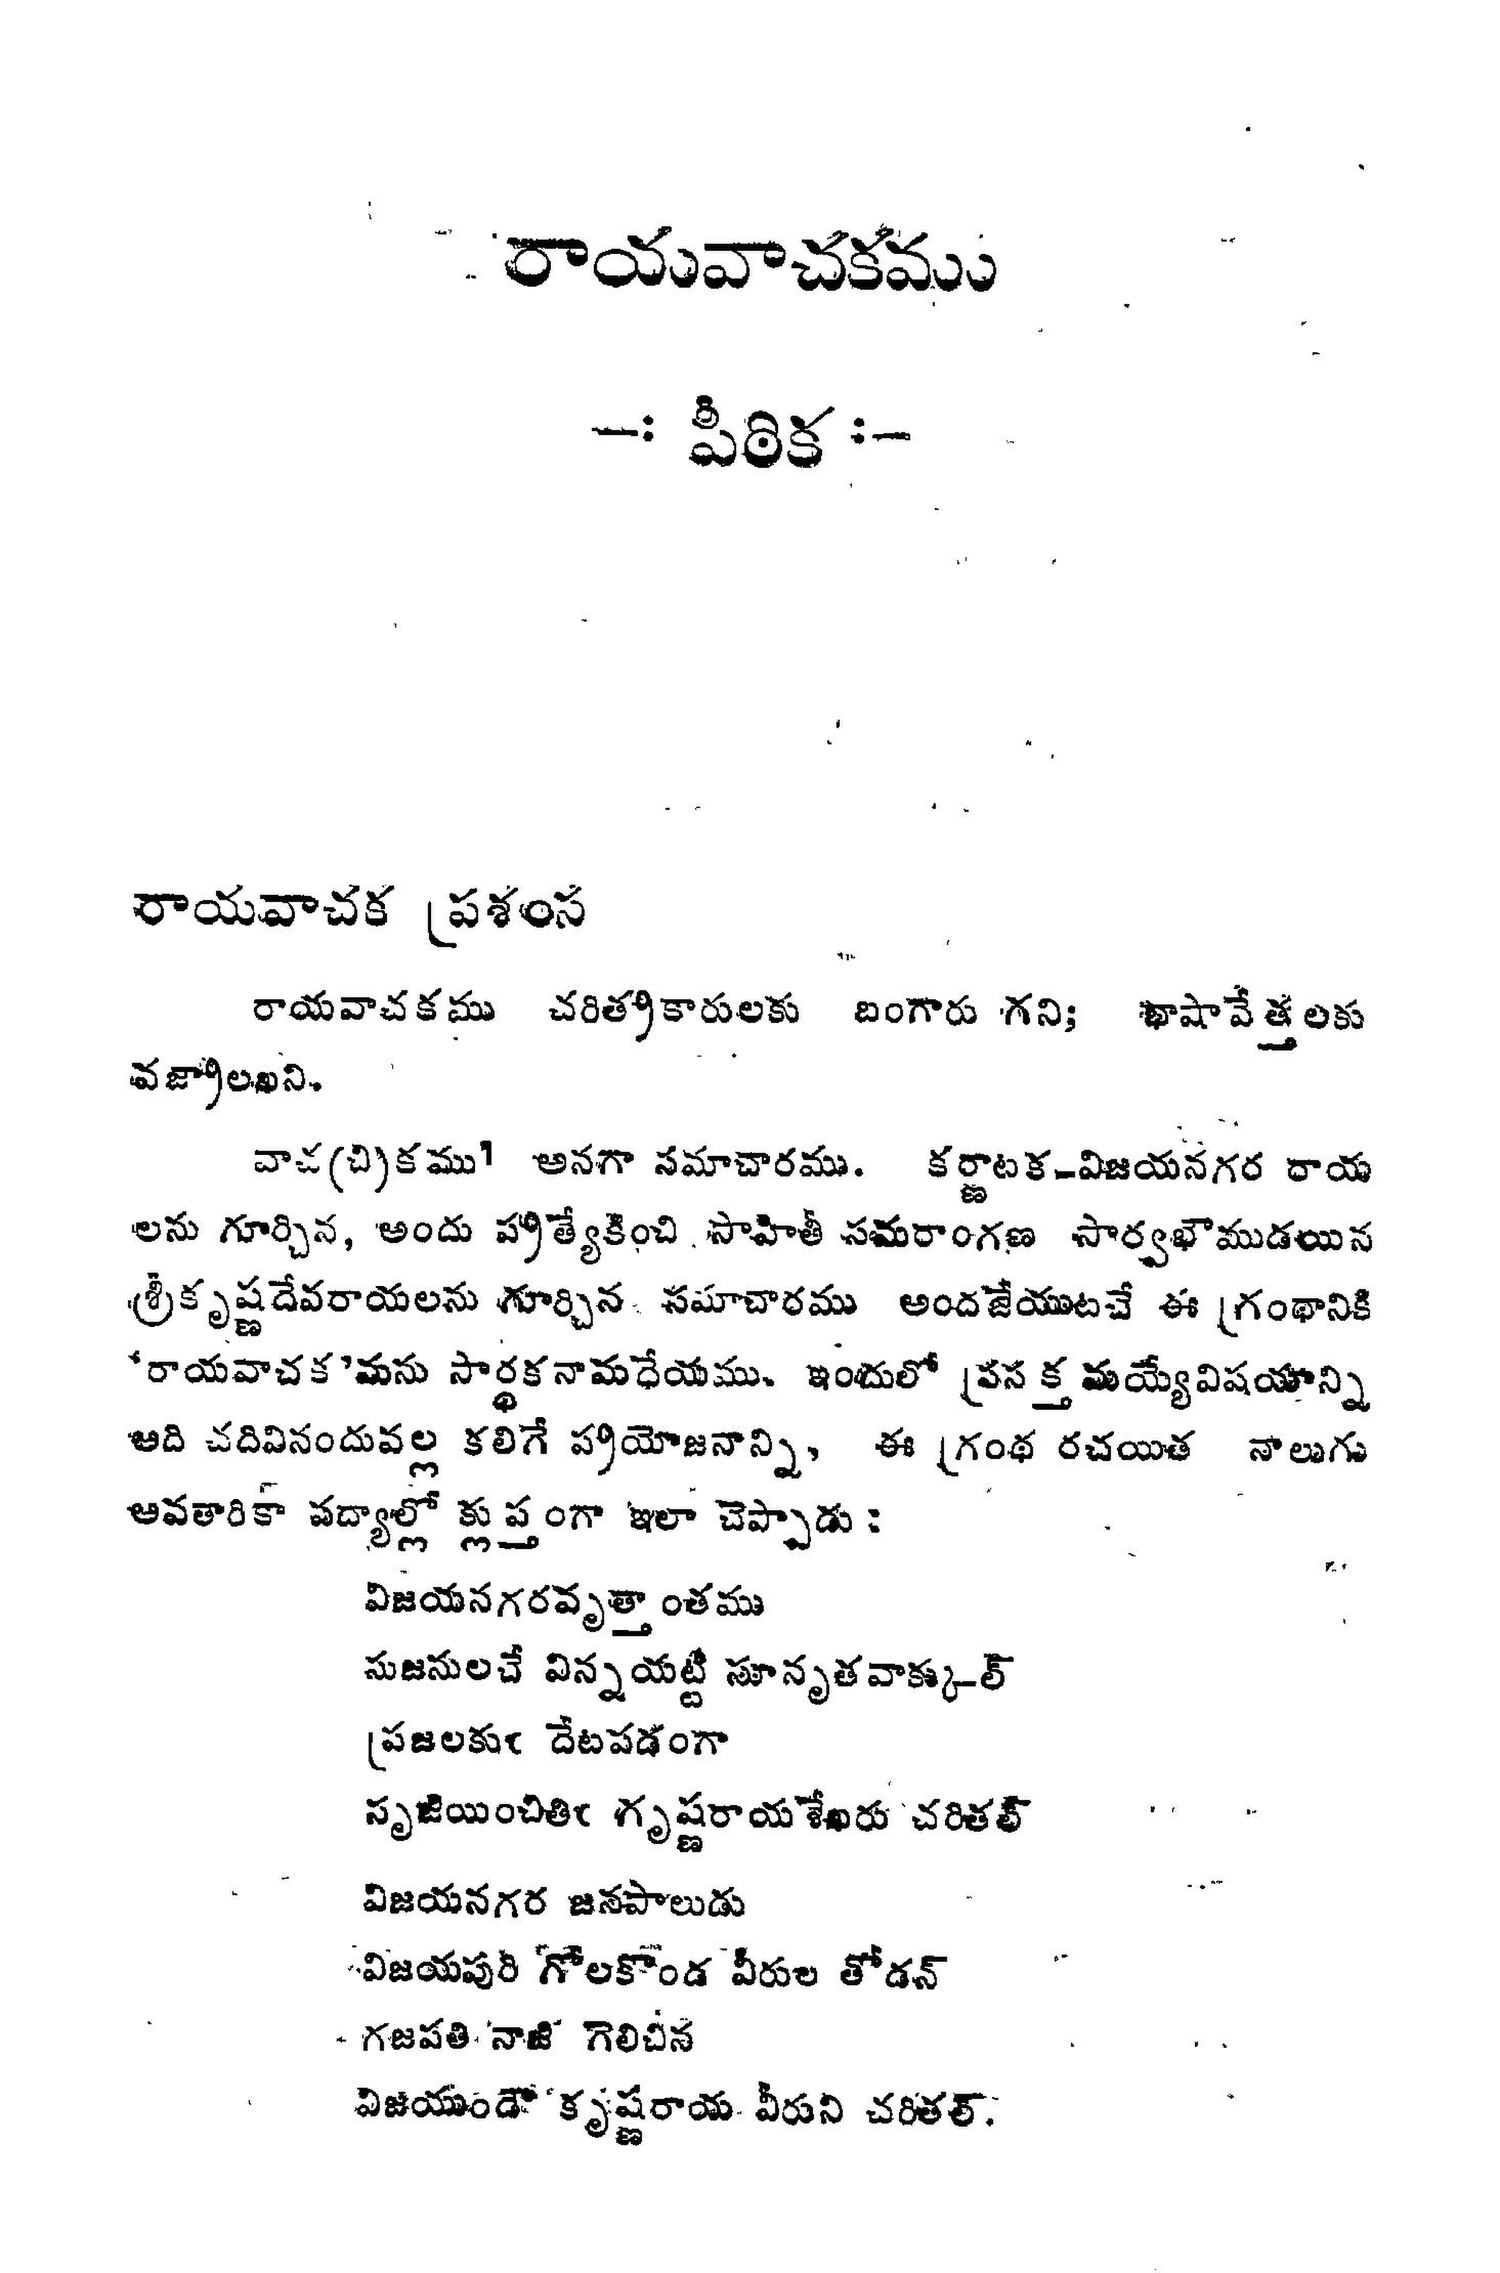రాయవాచకము
పీఠిక
రాయవాచక ప్రశంస
రాయవాచకము చరిత్రకారులకు బంగారుగని; భాషావేత్తలకు వజ్రాలఖని.

వాచ(చి)కము అనగా సమాచారము. కర్ణాటక-విజయనగర రాయలను గూర్చిన, అందు ప్రత్యేకించి సాహితీసమరాంగణసార్వభౌము డయిన శ్రీకృష్ణదేవరాయలను గూర్చిన సమాచారము అందజేయుటచే ఈ గ్రంథానికి ' రాయవాచక ' మను సార్థకనామధేయము. ఇందులో ప్రసక్త మయ్యేవిషయాన్ని అది చదివినందువల్ల కలిగే ప్రయోజనాన్ని, ఈ గ్రంథరచయిత నాలుగు అవతారికాపద్యాల్లో క్లుప్తంగా ఇలా చెప్పాడు :